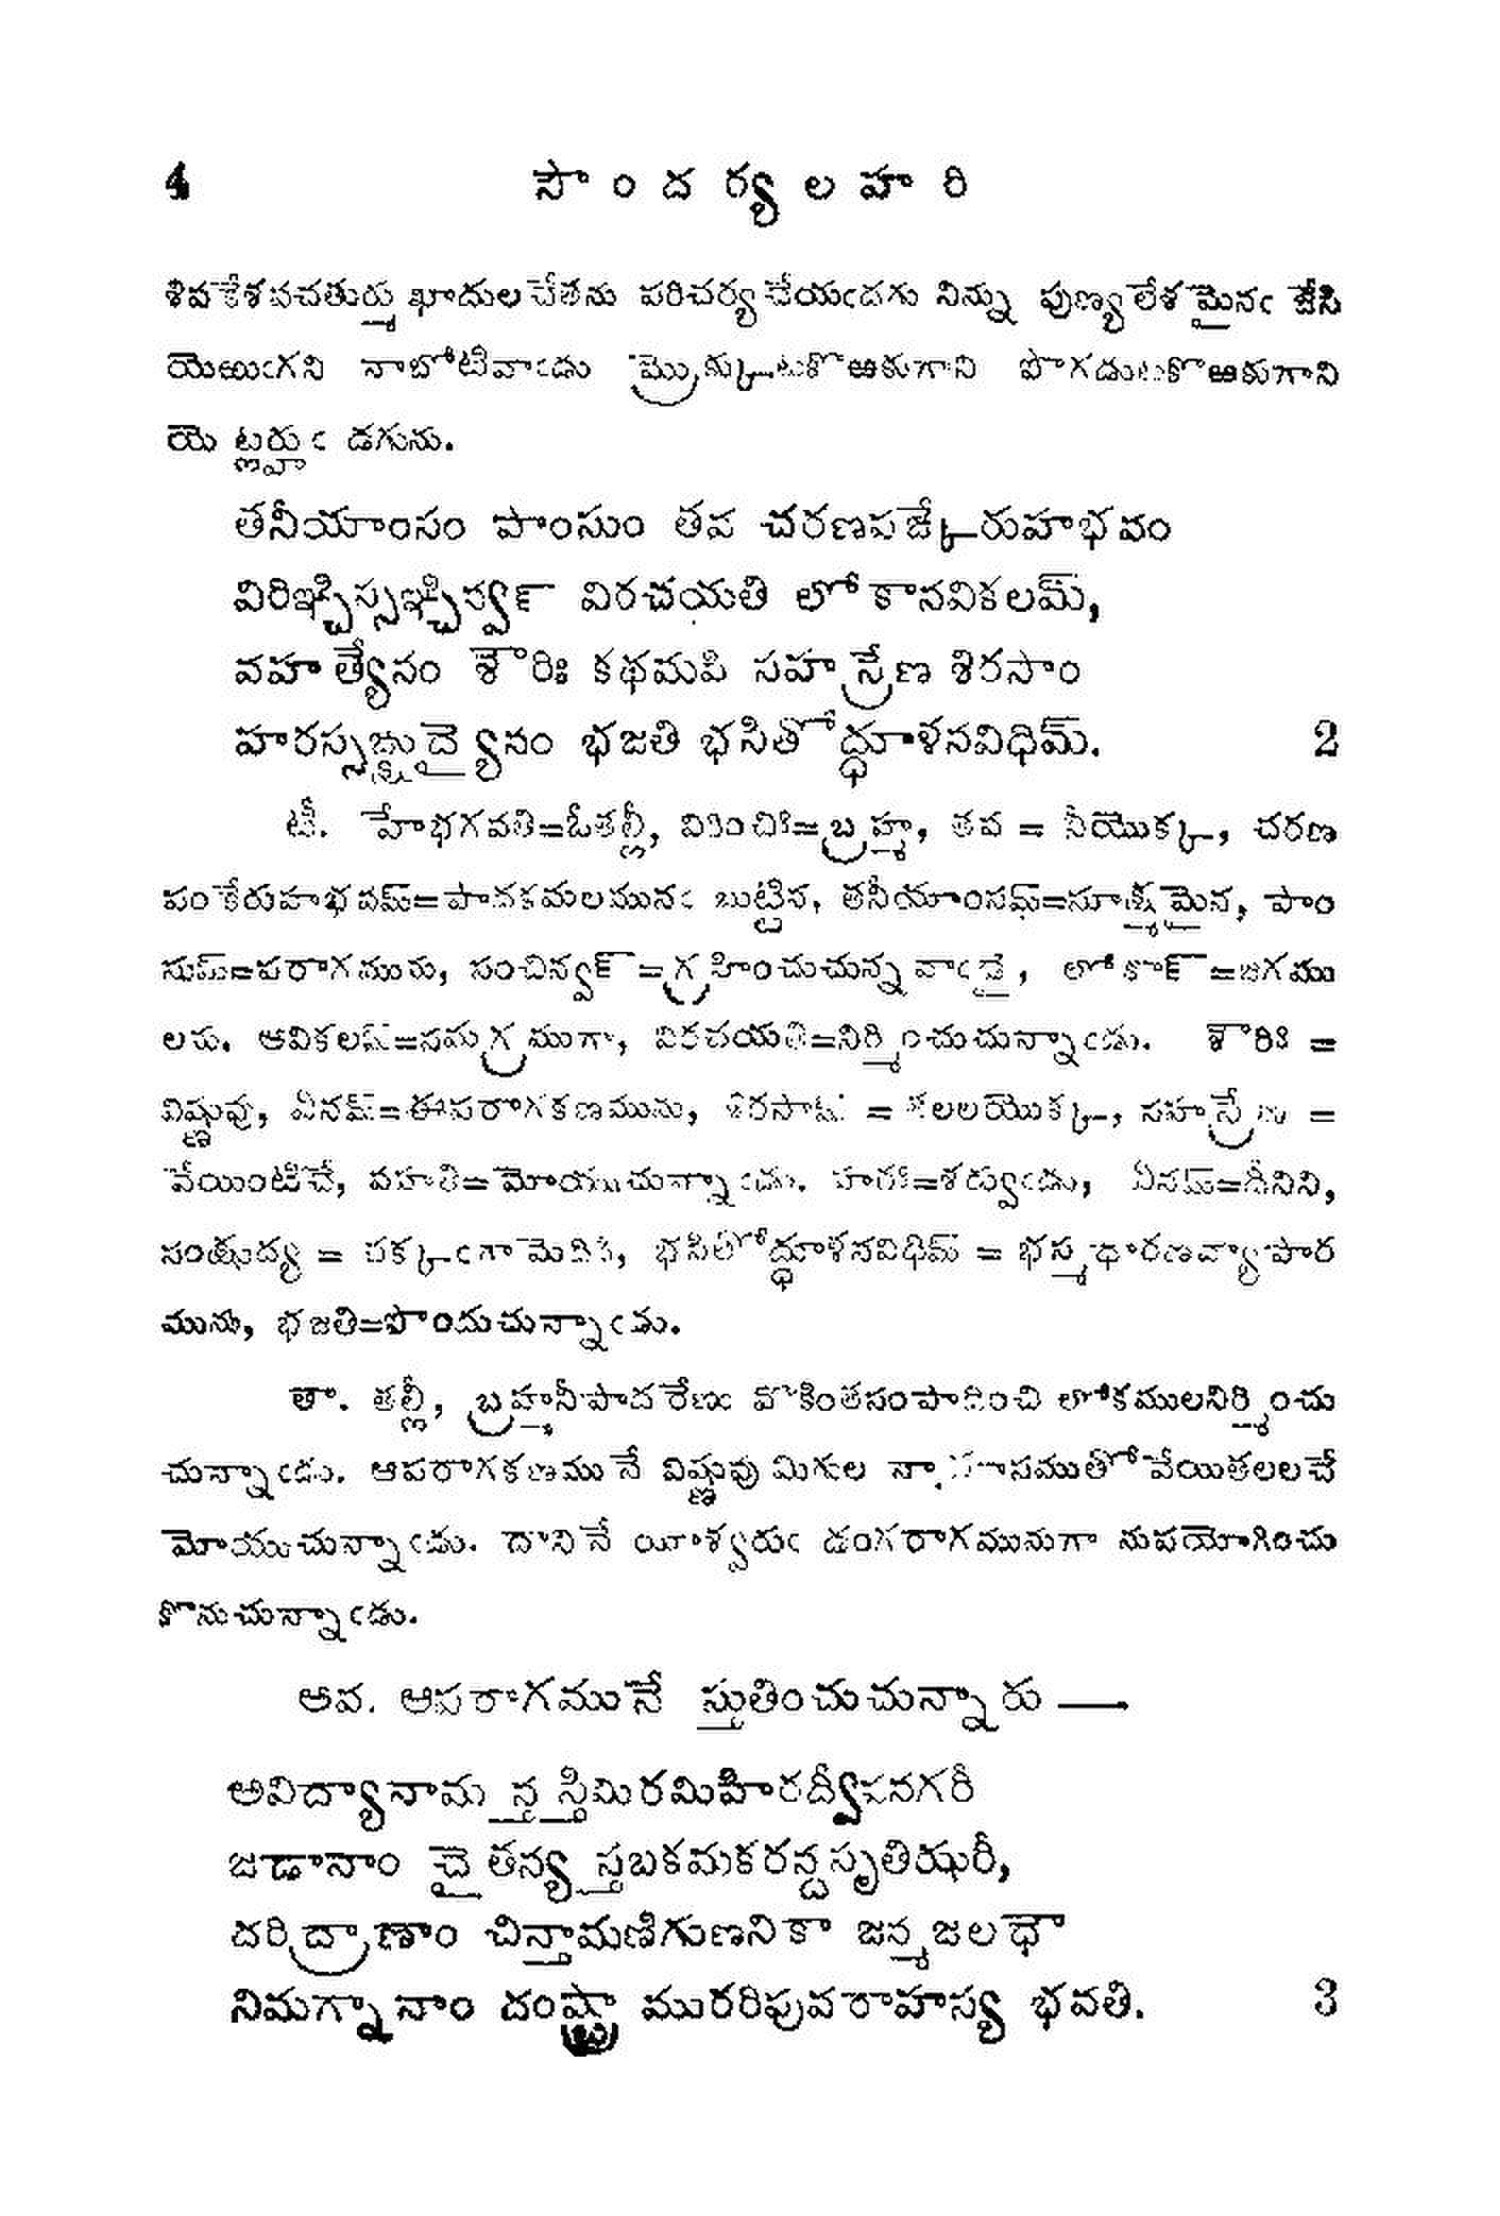శివకేశవచతుర్ముఖాదులచేతను పరిచర్యచేయఁదగు నిన్ను పుణ్యలేశమైనఁ జేసి యెఱుఁగని నాబోటివాఁడు మ్రొక్కుటకొఱకుగాని పొగడుటకొఱకుగాని యె ట్లర్హుఁ డగును. 

తనీయాంసం పాంసుం తప చరణపఙ్కేరుహభవం 
విరిఞ్చిస్సఞ్చిన్వన్ విరచయతి లోకానవికలమ్, 
వహత్యేనం శౌరిః కథమపి సహస్రేణ శిరసాం 
హరస్పఙ్క్షుద్యైనం భజతి భసితోద్ధూళనవిధిమ్. 2
టీ. హేభగవతి = ఓతల్లీ, విరంచిః = బ్రహ్మ, తవ = నీయొక్క, చరణ పంకేరుహభవమ్ = పాదకమలమునఁ బుట్టిన, తనీయాంసమ్ = సూక్ష్మమైన, పాంసుమ్ = పరాగమును, సంచిన్వన్ = గ్రహించుచున్నవాఁడై, లోకాన్ = జగములను. అవికలమ్ = సమగ్రముగా, విరచయతి = నిర్మించుచున్నాఁడు. శౌరిః = విష్ణువు, ఏనమ్ = ఈపరాగకణమును, శిరసామ్ = తలలయొక్క , సహస్రేణ = వేయింటిచే, వహతి = మోయుచున్నాఁడు, హరః = శర్వుఁడు, ఏనమ్ = దీనిని, సంక్షుద్య = చక్కఁగామెదిసి, భసితోద్దూళనవిధిమ్ = భస్మధారణవ్యాపారమును, భజతి = పొందుచున్నాఁడు.

తా. తల్లీ, బ్రహ్మ నీపాదరేణు వొకింతసంపాదించి లోకములనిర్మించుచున్నాఁడు. ఆపరాగకణమునే విష్ణువు మిగుల నాయాసముతో వేయితలలచే మోయుచున్నాఁడు. దానినే యీశ్వరుఁ డంగరాగమునుగా సుపయోగించు కొనుచున్నాఁడు.

అవ. ఆపరాగమునే స్తుతించుచున్నారు — 

అవిద్యానామన్తస్తిమిరమిహిరద్వీపనగరీ 
జడానాం చైతన్యస్తబకమకరన్దసృతిఝరీ, 
దరిద్రాణాం చిన్తామణిగుణనికా జన్మజలధౌ 
నిమగ్నానాం దంష్ట్రా మురరిపువరాహస్య భవతి. 3